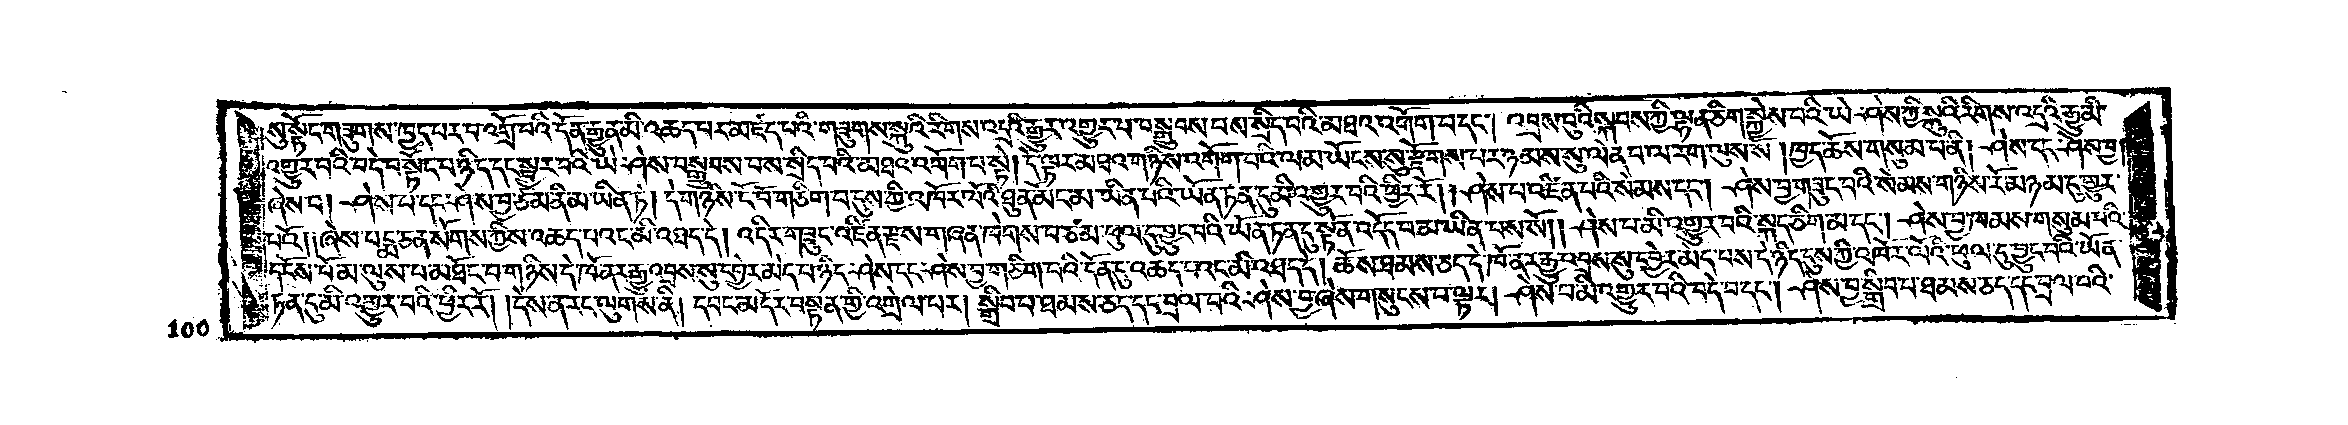སུ་སྟོང་གཟུགས་ཁྱད་པར་བ་འགྲོ་བའི་དོན་རྒྱུན་མི་འཆད་པར་མཛད་པའི་གཟུགས་སྐུའི་རིགས་འདྲའི་རྒྱུར་འགྱུར་བ་བསྒྲུབས་པས་སྲིད་པའི་མཐའ་འགོག་པ་དང་། འབྲས་བུའི་སྐབས་ཀྱི་ལྷན་ཅིག་སྐྱེས་པའི་ཡེ་ཤེས་ཀྱི་སྐུའི་རིགས་འདྲའི་རྒྱུ་མི་
འགྱུར་བའི་བདེ་བ་སྟོང་པ་ཉིད་དང་སྦྱར་བའི་ཡེ་ཤེས་བསྒྲུབས་པས་སྲིད་པའི་མཐའ་འགོག་པ་སྟེ། དེ་ལྟར་མཐའ་གཉིས་འགོག་པའི་ལམ་ཡོངས་སུ་རྫོགས་པར་ཉམས་སུ་ལེན་པ་ལ་རག་ལུས་སོ། ཁྱད་ཆོས་གསུམ་པ་ནི། ཤེས་དང་ཤེས་བྱ།
ཞེས་བ། ཤེས་པ་དང་ཤེས་བྱ་ཙམ་ནི་མ་ཡིན་ཏེ། དེ་གཉིས་ངོ་བོ་གཅིག་པ་དུས་ཀྱི་འཁོར་ལོའི་ཐུན་མོང་མ་ཡིན་པའི་ཡོན་ཏན་དུ་མི་འགྱུར་བའི་ཕྱིར་རོ། །ཤེས་པ་འཛིན་པའི་སེམས་དང་། ཤེས་བྱ་གཟུང་བའི་སེམས་གཉིས་རོ་མཉམ་དུ་གྱུར་
པའོ། །ཞེས་པདམ་ཅན་སོགས་ཀྱིས་འཆད་པའང་མི་འཐད་དེ། འདིར་གཟུང་འཛིན་རྫས་གཞན་ཁེགས་པ་ཙམ་ཕུལ་དུ་བྱུང་བའི་ཡོན་ཏན་དུ་སྟོན་འདོད་པ་མ་ཡིན་པས་སོ། །ཤེས་པ་མི་འགྱུར་བའི་སྐད་ཅིག་མ་དང་། ཤེས་བྱ་ཁམས་གསུམ་པའི་
དངོས་པོ་མ་ལུས་པ་མཐོང་བ་གཉིས་དེ་ཁོ་ནར་རྒྱུ་འབྲས་སུ་དབྱེར་མེད་པ་ཉིད་ཤེས་དང་ཤེས་བྱ་གཅིག་པའི་དོན་དུ་འཆད་པའང་མི་འཐད་དེ། ཆོས་ཐམས་ཅད་དེ་ཁོ་ནར་རྒྱུ་འབྲས་སུ་དབྱེར་མེད་པས་དེ་ཉིད་དུས་ཀྱི་འཁོར་ལོའི་ཕུལ་དུ་བྱུང་བའི་ཡོན་
ཏན་དུ་མི་འགྱུར་བའི་ཕྱིར་རོ། །དེས་ན་རང་ལུགས་ནི། དབང་མདོར་བསྟན་གྱི་འགྲེལ་པར། སྒྲིབ་པ་ཐམས་ཅད་དང་བྲལ་བའི་ཤེས་བྱ་ཞེས་གསུངས་པ་ལྟར། ཤེས་པ་མི་འགྱུར་བའི་བདེ་བ་དང་། ཤེས་བྱ་སྒྲིབ་པ་ཐམས་ཅད་དང་བྲལ་བའི་